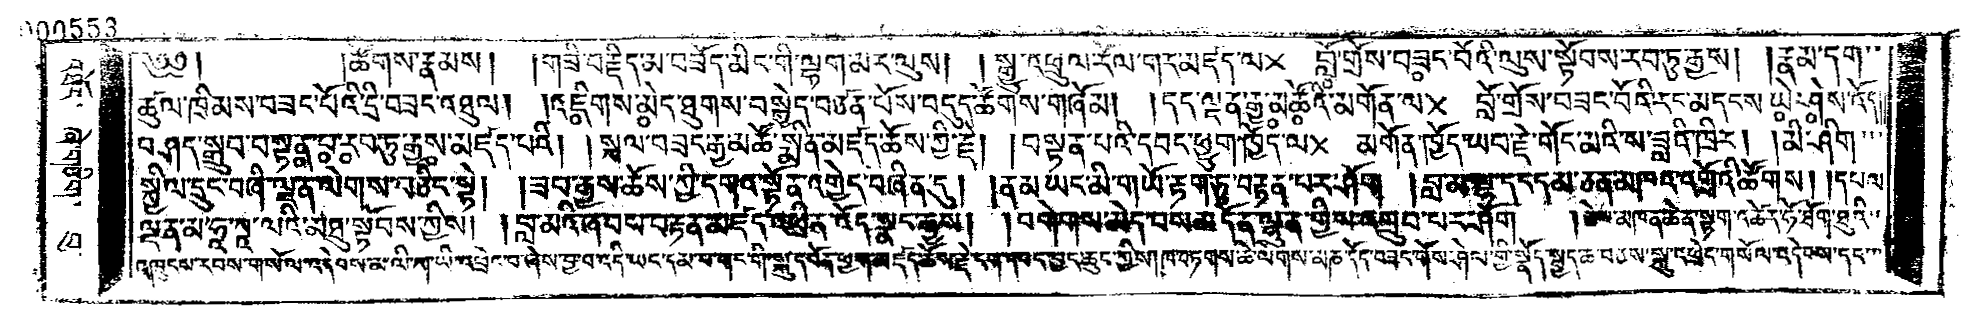༄༅། །ཚོགས་རྣམས། །གཟི་བརྗིད་མ་བཟོད་མིང་གི་ལྷག་མར་ལུས། །སྒྱུ་འཕྲུལ་རོལ་གར་མཛད་ལ་྾་བློ྾་གྲོས་བཟང྾་པོའི་ལུས་སྟོབས་རབ་ཏུ་རྒྱས། །རྣམ་དག་
ཚུལ་ཁྲིམས་བཟང་པོའི་དྲི་བཟང་འཐུལ། །འཇིགས྾་མེད྾་ཐུགས་བསྐྱེད་བཙན་པོས་བདུད་ཚོགས་གཞོམ། །དད་ལྡན་རྒྱ྾་མཚོའི྾་མགོན་ལ་྾་བློ་གྲོས་བཟང་པོའི་རང་མདངས་ཡེ྾་ཤེས྾་འོད། །
བཤད་སྒྲུབ་བསྟན྾་པ྾་རབ྾་ཏུ་རྒྱས྾་མཛད་པའི། །སྐལ་བཟང་རྒྱ་མཚོ་སྨིན་མཛད་ཆོས་ཀྱི་རྗེ། །བསྟན་པའི་དབང་ཕྱུག་ཁྱོད་ལ་྾་མགོན་ཁྱོད་ཡབ་རྗེ་གོང་མའི་ས་ཟླའི་ཁྲིར། །མི་ཤིག་
སྐྱིལ་དྲུང་བཞི་ལྡན་ལེགས་བཅིང་སྟེ། །ཟབ་རྒྱས་ཆོས་ཀྱི་དགའ་སྟོན་འགྱེད་བཞིན་དུ། །ནམ་ཡང་མི་གཡོ་རྟག་ཏུ་བརྟན་པར་ཤོག །བླ་མ་ལྷ་དང་དམ་ཅན་མཁའ་འགྲོའི་ཚོགས། །དཔལ་
ལྡན་མ་ཧཱ་ཀཱ་ལའི་མཐུ་སྟོབས་ཀྱིས། །བླ་མའི་ཞབས་བརྟན་མཛད་འཕྲིན་འོད་སྣང་རྒྱས། །བགེགས་མེད་བསམ་དོན་ལྷུན་གྱིས་འགྲུབ་པར་ཤོག །ཅེས་མཁན་ཆེན་སྟག་འཚེར་ཧོ་ཐོག་ཐུའི་
འཁྲུངས་རབས་གསོལ་འདེབས་མ་ལི་ཀ་ཡི་འཕྲེང་བ་ཞེས་བྱ་བ་འདི་ཡང་དམ་པ་གང་གི་སྐུ་དབོན་ཕྱག་མཛད་ཆོས་རྗེ་ངག་དབང་བྱང་ཆུབ་ཀྱིས། ཁ་བཏགས་ཆེ་ལེགས་མཎ་དོད་བཟང་གོས་ཤེལ་གྱི་སྣོད་སྤྱད་ཆ་བཅས་སྐུ་འཕྲེང་གསོལ་འདེབས་དང་